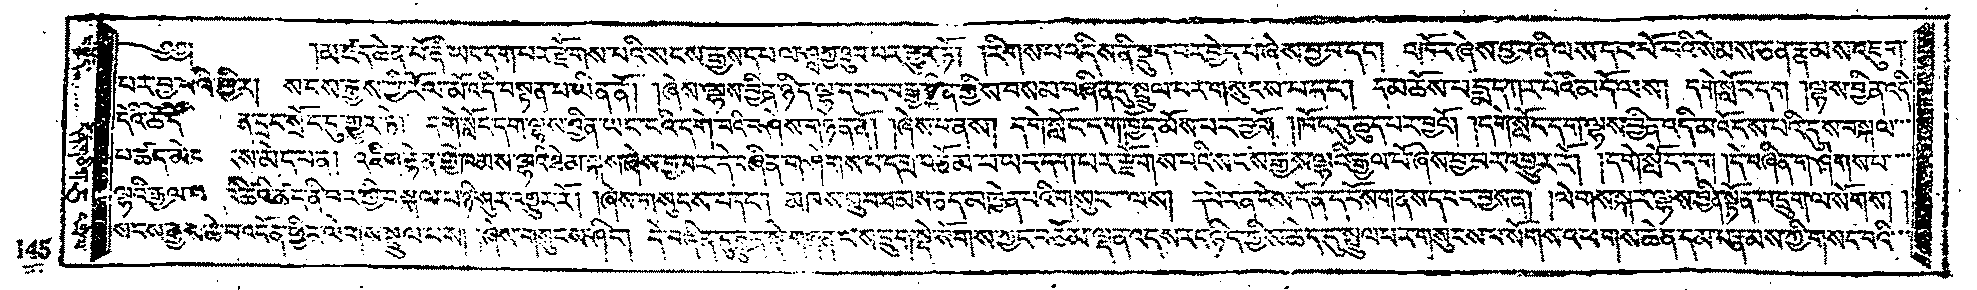༄༅། །མཛད་ཆེན་པོ་ནི་ཡང་དག་པར་རྫོགས་པའི་སངས་རྒྱས་དཔལ་ཤཱཀྱ་ཐུབ་པར་གྱུར་ཏོ། །རིགས་པ་འདིས་ནི་སྡུད་པར་བྱེད་པ་ཞེས་བྱ་བ་དང་། འཁོར་ཞེས་བྱ་བ་ནི་ལས་དང་པོ་བའི་སེམས་ཅན་རྣམས་འཇུག་
པར་བྱ་བའི་ཕྱིར། སངས་རྒྱས་ཀྱི་རོལ་མོ་འདི་བསྟན་པ་ཡིན་ནོ། །ཞེས་ལྷས་བྱིན་ཉིད་ལྷ་དབང་བརྒྱ་སྦྱིན་གྱིས་བསམ་བཞིན་དུ་སྤྲུལ་པར་གསུངས་པ་དང་། དམ་ཆོས་པདམ་དཀར་པོའི་མདོ་ལས། དགེ་སློང་དག །ལྷས་བྱིན་འདི་
དེའི་ཚེ་དེ་ན་དྲང་སྲོང་དུ་གྱུར་ཏེ། དགེ་སློང་དག་ལྷས་བྱིན་ཡང་ངའི་དགེ་བའི་བཤེས་གཉེན་ནོ། །ཞེས་པ་ནས། དགེ་སློང་དག་ཁྱོད་མོས་པར་བྱའོ། །ཁོང་དུ་ཆུད་པར་བྱའོ། །དགེ་སློང་དག་ལྷས་བྱིན་འདི་མ་འོངས་པའི་དུས་བསྐལ་
པ་ཚད་མེད་དྲངས་?་མེད་པ་ན། འཇིག་རྟེན་གྱི་ཁམས་ལྷའི་ཐེམ་སྐས་ཞེས་བྱ་བར་དེ་བཞིན་གཤེགས་པ་དགྲ་བཅོམ་པ་ཡང་དག་པར་རྫོགས་པའི་སངས་རྒྱས་ལྷའི་རྒྱལ་པོ་ཞེས་བྱ་བར་འགྱུར་རོ། །དགེ་སློང་དག །དེ་བཞིན་གཤེགས་པ་
ལྷའི་རྒྱལ་བ་དེའི་ཚེའི་ཚད་ནི་བར་གྱི་བསྐལ་པ་ཉི་ཤུར་འགྱུར་རོ། །ཞེས་གསུངས་པ་དང་། མཁས་གྲུབ་ཐམས་ཅད་མཁྱེན་པའི་གསུང་ལས། དཔེར་ན་ངེས་དོན་དངོས་གནས་དབང་བྱས་ན། །ལེགས་སྐར་ལྷས་བྱིན་སྟོན་པ་དྲུག་ལ་སོགས། །
སངས་རྒྱས་ཆེ་བ་འདོན་ཕྱིར་ལེགས་སྤྲུལ་པས། །ཞེས་གསུངས་ཤིང་། དེ་བཞིན་དུ་རྒྱུད་སྡེ་གཞན་ལས་དྲུག་སྡེ་སོགས་ཀྱང་བཅོམ་ལྡན་འདས་རང་ཉིད་ཀྱིས་ཆེད་དུ་སྤྲུལ་པར་གསུངས་པ་སོགས་འཕགས་ཆེན་དམ་པ་རྣམས་ཀྱི་གསང་བའི་